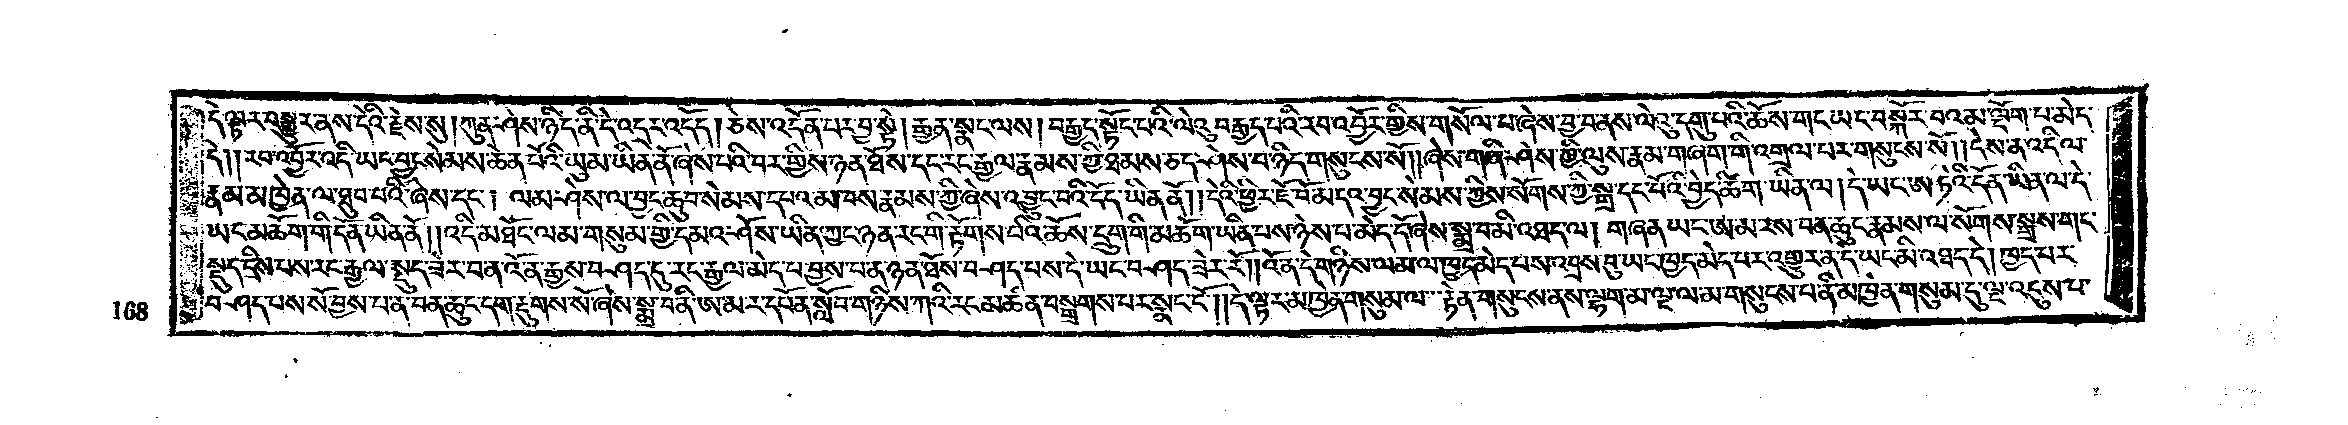དེ་ལྟར་བསྒྱུར་ནས་དེའི་རྗེས་སུ། ཀུན་ཤེས་ཉིད་ནི་དེ་འདྲར་འདོད། ཅེས་འདོན་པར་བྱ་སྟེ། རྒྱན་སྣང་ལས། བརྒྱད་སྟོང་པའི་ལེའུ་བརྒྱད་པའི་རབ་འབྱོར་གྱིས་གསོལ་པ་ཞེས་བྱ་བ་ནས་ལེའུ་དགུ་པའི་ཆོས་གང་ཡང་བསྐོར་བའམ་ལྡོག་པ་མེད་
དོ། །རབ་འབྱོར་འདི་ཡང་བྱང་སེམས་ཆེན་པོའི་ཡུམ་ཡིན་ནོ་ཞེས་པའི་བར་གྱིས་ཉན་ཐོས་དང་རང་རྒྱལ་རྣམས་ཀྱི་ཐམས་ཅད་ཤེས་པ་ཉིད་གསུངས་སོ། །ཞེས་གཞི་ཤེས་ཀྱི་ལུས་རྣམ་གཞག་གི་འགྲེལ་པར་གསུངས་སོ། །དེས་ན་འདི་ལ་
རྣམ་མཁྱེན་ལ་ཐུབ་པའི་ཞེས་དང་། ལམ་ཤེས་ལ་བྱང་ཆུབ་སེམས་དཔའ་མཁས་རྣམས་ཀྱི་ཞེས་འབྱུང་བའི་དོད་ཡིན་ནོ། །དེའི་ཕྱིར་ཇོ་བོ་མདའ་བྱང་སེམས་ཀྱིས་སོགས་ཀྱི་སྒྲ་དང་པོའི་བྱེད་ཚིག་ཡིན་ལ། དེ་ཡང་ཨ་ཏིའི་དོན་ཡིན་ལ་དེ་
ཡང་མཆོག་གི་དོན་ཡིན་ནོ། །འདི་མཐོང་ལམ་གསུམ་གྱི་དམའ་ཤོས་ཡིན་ཀྱང་ཉན་རང་གི་རྟོགས་པའི་ཆོས་དྲུག་གི་མཆོག་ཡིན་པས་ཉེས་པ་མེད་དོ་ཞེས་སྨྲ་བ་མི་འཐད་ལ། གཞན་ཡང་ཨ་མ་རས་བན་ཆུང་རྣམས་ལ་སོགས་སྒྲས་གང་
སྡུད་དྲིས་པས་རང་རྒྱལ་སྡུད་ཟེར་བ་ན་འོ་ན་རྒྱས་བཤད་དུ་རང་རྒྱལ་མེད་པ་བྱས་པ་ན་ཉན་ཐོས་བཤད་པས་དེ་ཡང་བཤད་ཟེར་རོ། །འོ་ན་དེ་གཉིས་ལམ་ལ་ཁྱད་མེད་པས་འབྲས་བུ་ཡང་ཁྱད་མེད་པར་འགྱུར་ན་དེ་ཡང་མི་འཐད་དེ། ཁྱད་པར་
བཤད་པས་སོ་བྱས་པ་ན་བན་ཆུང་དག་རྡུགས་སོ་ཞེས་སྨྲ་བ་ནི་ཨ་མ་ར་དཔོན་སློབ་གཉིས་ཀའི་རང་མཚན་བསྒྲགས་པར་སྣང་ངོ། །དེ་ལྟར་མཁྱེན་གསུམ་ལ་རྟེན་གསུངས་ནས་ལྷག་མ་ལྔ་ལ་མ་གསུངས་པ་ནི་མཁྱེན་གསུམ་དུ་ལྔ་འདུས་པ་